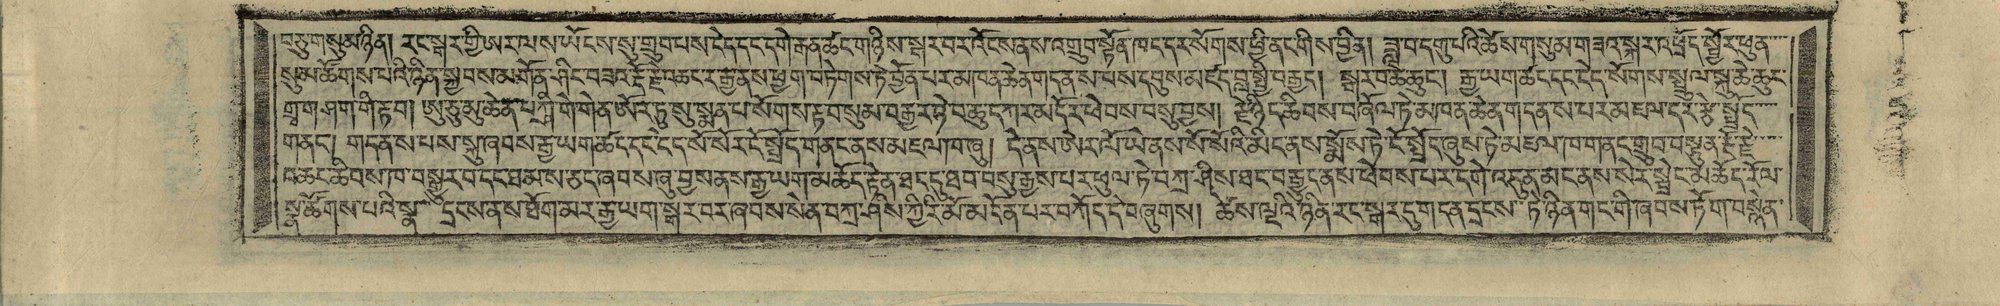བཅུ་གསུམ་ཉིན། རང་སྒར་གྱི་ཨར་ལས་ཡོངས་སུ་གྲུབ་པས་ངེད་དང་དགེ་རྒན་ཚང་གཉིས་སྒར་བར་འོངས་ནས་འགྲུབ་སྟོན་ཁང་དར་སོགས་ཕྱི་ནང་གིས་བྱིན། ཟླ་བ་དགུ་པའི་ཚེས་གསུམ་གཟའ་སྐར་འཕྲོད་སྦྱོར་ཕུན་
སུམ་ཚོགས་པའི་ཉིན་སྐྱབས་མགོན་ཤིང་བཟའ་རྡོ་རྗེ་འཆང་ར་རྒྱ་ནས་ཕྱག་བཏེགས་ཏེ་བྱོན་པར་མཁན་ཆེན་གདན་ས་པས་དབུས་མཛད་བླ་སྤྱི་བརྒྱད། སྒར་བ་ཆེ་ཆུང་། རྒྱ་ཡག་ཚང་དང་ངེད་སོགས་སྤྲུལ་སྐུ་ཆེ་ཆུང་
གྲྭ་གཤག་གི་རྟ་བ། ཨུ་ཅུ་མུ་ཆེན་པ་ཀྵི་གེ་གེན་ཨོར་ཏུ་སུ་སྨན་པ་སོགས་རྟ་བ་སུམ་བརྒྱར་ཉེ་བ་ཆུ་དཀར་མདོར་ཕེབས་བསུ་བྱས། རྗེ་ཉིད་ཆིབས་བཞོལ་ཏེ་མཁན་ཆེན་གདན་ས་པར་མཇལ་དར་རྩེ་སྤྲོད་
གནང་། གདན་ས་པས་སྐུ་ཞབས་རྒྱ་ཡག་ཚང་དང་ངེད་སོ་སོར་ངོ་སྤྲོད་གནང་ནས་མཇལ་ཁ་ཞུ། དེ་ནས་ཨེར་ལོ་ཡེ་ནས་སོ་སོའི་མིང་ནས་སྨོས་ཏེ་ངོ་སྤྲོད་ཞུས་ཏེ་མཇལ་ཁ་གནང་གྲུབ་བསྟུན་རྡོ་རྗེ་
འཆང་ཆིབས་ཁ་བསྒྱུར་བ་དང་ཐམས་ཅད་ཞབས་ཞུ་བྱས་ནས་རྒྱ་ཡག་མཆོད་རྟེན་ཐང་དུ་ཐབ་བསུ་རྒྱས་པར་ཕུལ་ཏེ་བཀྲ་ཤིས་ཐང་བརྒྱུད་ནས་ཕེབས་པར་དགེ་འདུན་མང་ནས་སེར་སྦྲེང་མཆོད་རོལ་
སྣ་ཚོགས་པའི་སྣ་དྲངས་ནས་ཐོག་མར་རྒྱ་ཡག་སྒར་བར་ཞབས་སེན་བཀྲ་ཤིས་ཀྱི་རི་མོ་མངོན་པར་བཀོད་དེ་བཞུགས། ཚེས་ལྔའི་ཉིན་རང་སྒར་དུ་གདན་དྲངས་ཏེ་ཉིན་གང་གི་ཞབས་ཏོག་བསྙེན་